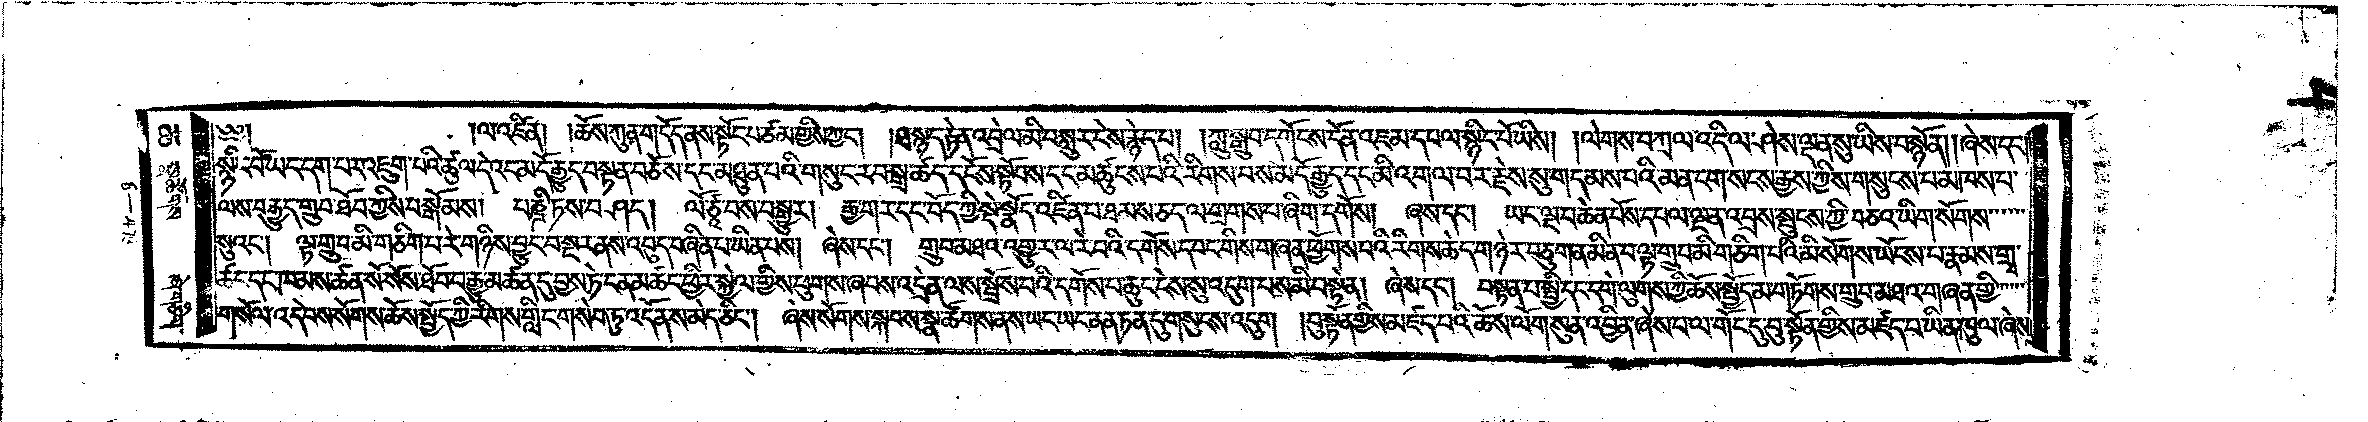༄༅། །ལ་འཛིན། །ཆོས་ཀུན་གདོད་ནས་སྟོང་པ་ཙམ་གྱིས་ཀྱང་། །ཐ་སྙད་རྟེན་འབྲེལ་མི་བསླུར་ངེས་རྙེད་པ། །ཀླུ་སྒྲུབ་དགོངས་དོན་འཇམ་དཔལ་སྙིང་པོ་ཡིས། །ལེགས་བཀྲལ་འདི་ལ་ཤེས་ལྡན་སུ་ཡིས་བསྙོན། །ཞེས་དང་
སྙིང་བོ་ཡང་དག་པར་འཇུག་པའི་ཚུལ་དེའང་མདོ་རྒྱུད་བསྟན་བཅོས་དང་མཐུན་པའི་གསུང་རབ་སྒྲ་ཚད་དངོས་སྟོབས་ངང་མཚུངས་པའི་རིགས་པས་མདོ་རྒྱུད་དང་མི་འགལ་བར་རྗེས་སུ་གདམས་པའི་མན་ངག་སངས་རྒྱས་ཀྱིས་གསུངས་པ་མཁས་པ་
ལས་བརྒྱུད་གྲུབ་ཐོབ་ཀྱིས་བསྒོམས། པཎྜི་ཏས་བཤད། ལོ་ཙཱ་བས་བསྒྱུར། རྒྱ་གར་དང་བོ་ཀྱི་སྡེ་སྣོད་འཛིན་པ་ཐམས་ཅད་ལ་གྲགས་པ་ཞིག་དགོས། ཞེས་དང་། ཡང་ལྔ་པ་ཆེན་པོས་དཔལ་ལྡན་འབྲས་སྤུངས་ཀྱི་བཅའ་ཡིག་སོགས་
སུའང་། ལྟ་གྲུབ་མི་གཅིག་པར་གཉིས་བྱུང་བ་སྔར་ནས་འབུད་བཞིན་པ་ཡིན་པས། ཞེས་དང་། གྲུབ་མཐའ་འགྱུར་ལ་རེ་བའི་དགོས་དབང་གིས་གཞན་ཕྱོགས་བའི་རིགས་ཆེད་གཉེར་བཅུ་གན་མིན་བ་ལྟ་གྲུབ་མི་གཅིག་པའི་མི་སོགས་ཡོངས་པ་རྣམས་གྲྭ་
ཚང་དང་ཁམས་ཚན་སོ་སོས་ཐོབ་པ་རྒྱུ་མཚན་དུ་བྱས་ཏེ་ངན་མ་ཚང་ཕྱིར་སྐྱེལ་གྱིས་ཕུགས་ཞབས་འདྲེན་ལས་སྦྲོས་བའི་དགོས་པ་ཆུང་ངེས་སུ་འདུག་པས་མི་བསྟེན། ཞེས་དང་། བསྟན་པ་སྤྱི་དང་དགེ་ལུགས་ཀྱི་ཆོས་སྤྱོད་མ་གཏོགས་གྲུབ་མཐའ་གཞན་གྱི་
གསོལ་འདེབས་སོགས་ཆོས་སྤྱོད་ཀྱི་རིགས་གླིང་གསེབ་ཏུ་འདོན་ས་མེད་ཅིང་། ཞེས་སོགས་སྐབས་སྣ་ཚོགས་ནས་ཡང་ཡང་ནན་ཏན་དུ་གསུངས་འདུག །བུ་སྟོན་གྱིས་མཛད་པའི་ཆོས་ལོག་སུན་འབྱིན་ཞེས་པ་ལ་གོང་དུ་བུ་སྟོན་གྱིས་མཛད་པ་ཡིན་ཁུལ་ཞེས་